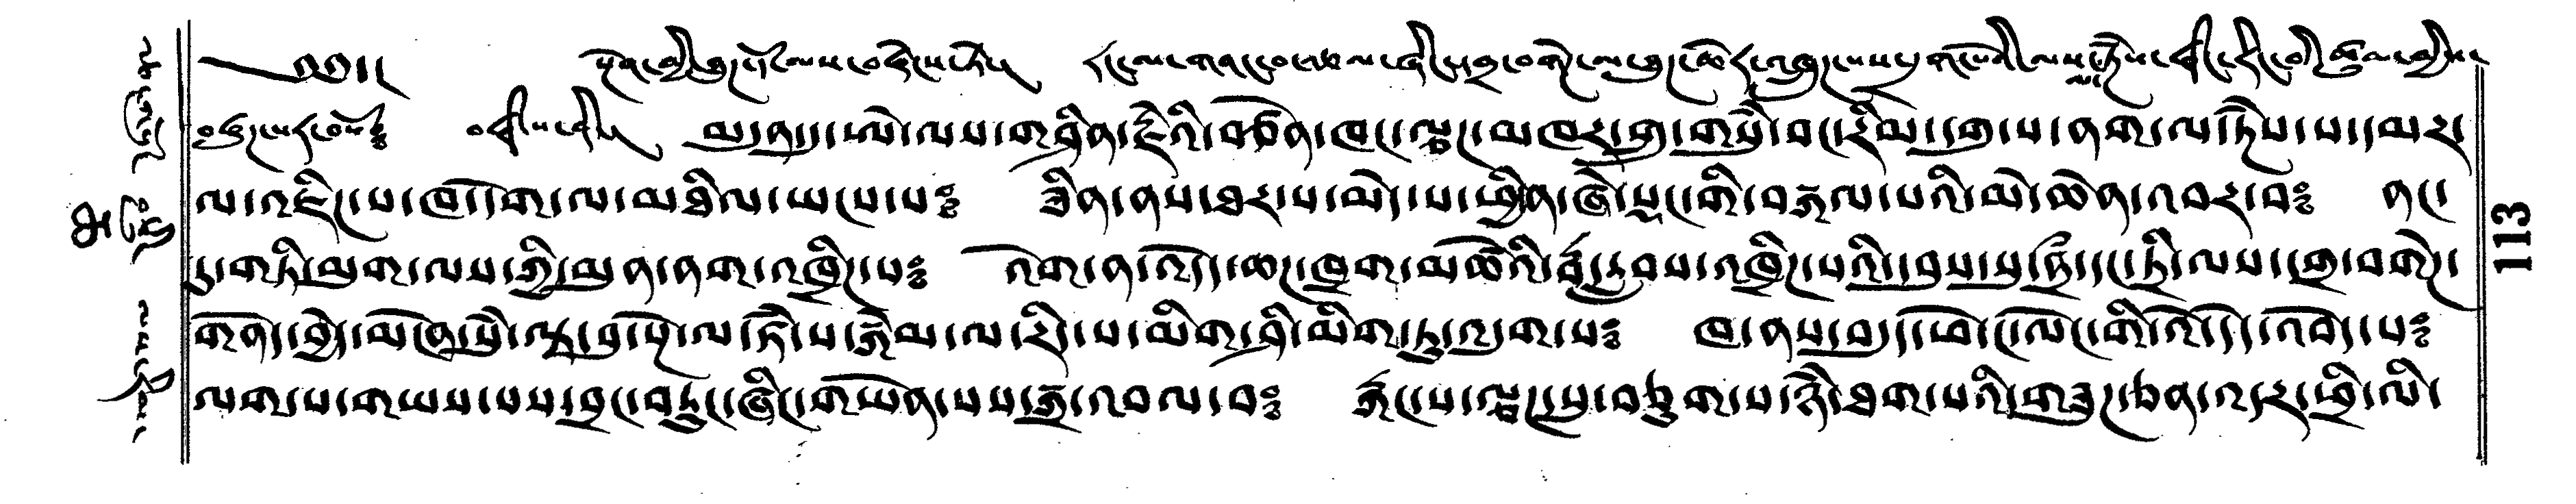སྔོན་གྱི་ཐུགས་དམ་ལས་བཞེངས་ཏེ། རང་ལ་གནང་བ་སྩལ་ཞིང་དགྲ་བགེགས་ལ་ཐུགས་ཆེར་འཁྲུགས་པས་དྲག་པོའི་ལས་ལ་རྔམས་ཞིང་རིངས་བའི་ཚུལ་གྱིས་
བཞུགས་པར་བསམ། བཞི་པ་ནི། མདུན་དུ་ཨེ་ལས་གཤིན་རྗེའི་བཙོན་ཁང་ལྕགས་མཁར་གྲུ་གསུམ་བང་རིམ་དགུ་པ་ནག་ལ་རྔམས་པ་དམར་
ལ་འཇིགས་པ་ཁ་དོག་ལ་མཐིལ་ཡངས་པ༔ ཟིན་ནས་ཐར་པ་མེད་པ༔ ཕྱི་ན་ཞེ་སྡང་གི་བསྐལ་པའི་མེ་ཆེན་འབར་བ༔ ནང་
དུ་གཏི་མུག་ལས་ཀྱི་མུན་ནག་འཁྲིགས་པ༔ འོག་ན་འདོད་ཆགས་ཁྲག་མཚོའི་རྦ་རླབས་འཁྲུགས་པའི་དབུས་སུ་ནྲྀ་དང་ཏྲི་ལས་དགྲ་བགེགས་
གནོད་བྱེད་མངོན་སུམ་ལྟ་བུ་སྔོ་ལ་ཧམ་པ་སྐེམ་ལ་རིད་པ་མིག་ཤི་མིག་ཏུ་འདུག་པ༔ ཁ་ནས་བདུད་ཕོ་ང་ལོང་གི་འོ་དོད་འབོད་པ༔ 
ལག་པ་གཡས་པས་བྲང་བརྡུང་ཞིང་གཡོན་པས་སྐྲ་འབལ་བ༔ རྐང་པ་ལྕགས་སུ་བཅུག་པ་ཉམ་ཐག་པའི་གཟུགས་ཅན་འདར་ཕྲི་ལི་